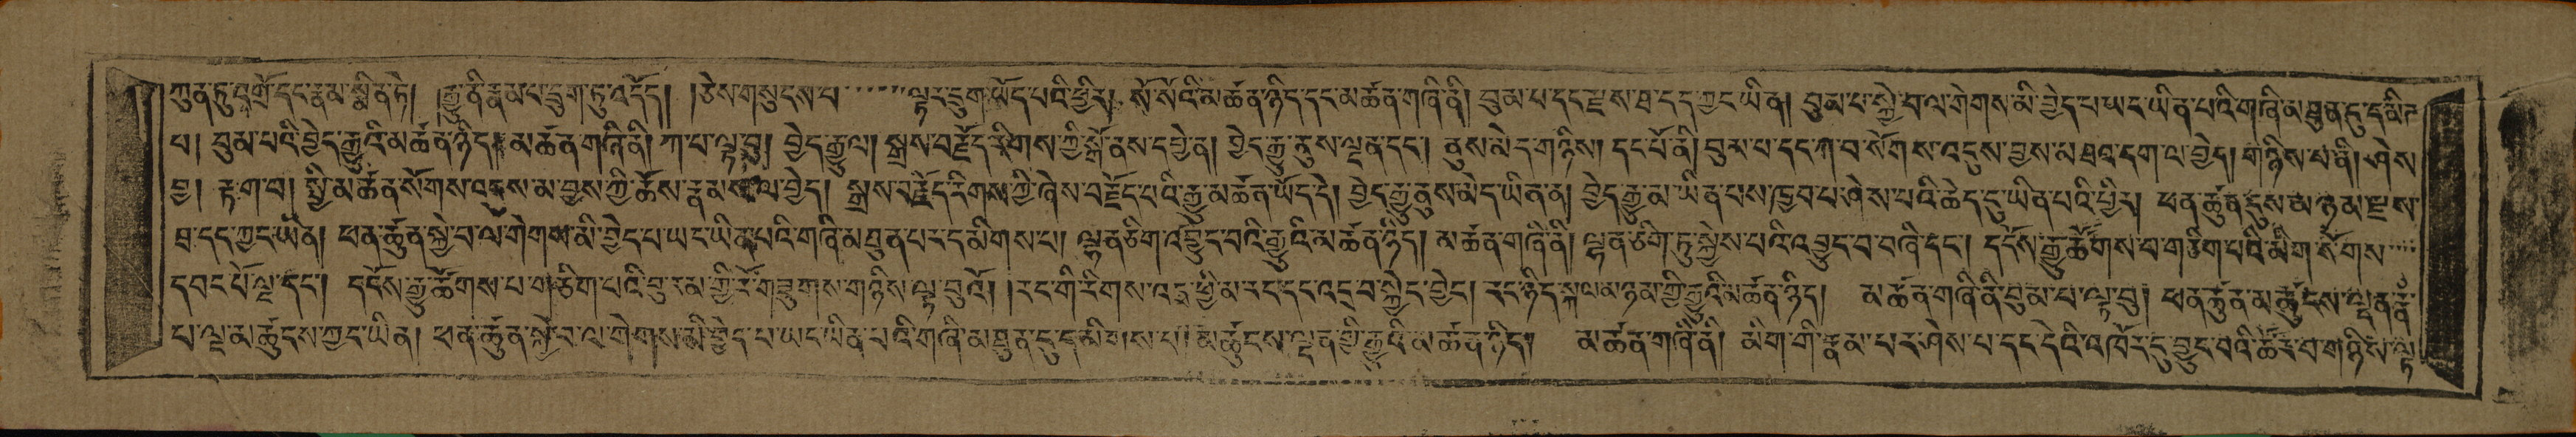ཀུན་ཏུ་འགྲོ་དང་རྣམ་སྨིན་ཏེ། །རྒྱུ་ནི་རྣམ་པ་དྲུག་ཏུ་འདོད། །ཅེས་གསུངས་པ་ལྟར་དྲུག་ཡོད་པའི་ཕྱིར། སོ་སོའི་མཚན་ཉིད་དང་མཚན་གཞི་ནི། བུམ་པ་དང་རྫས་ཐ་དད་ཀྱང་ཡིན། བུམ་པ་སྐྱེ་བ་ལ་གེགས་མི་བྱེད་པ་ཡང་ཡིན་པའི་གཞི་མཐུན་དུ་དམིགས་
པ། བུམ་པའི་བྱེད་རྒྱུའི་མཚན་ཉིད། མཚན་གཞི་ནི། ཀ་བ་ལྟ་བུ། བྱེད་རྒྱུ་ལ། སྒྲས་བརྗོད་རིགས་ཀྱི་སྒོ་ནས་དབྱེ་ན། བྱེད་རྒྱུ་ནུས་ལྡན་དང་། ནུས་མེད་གཉིས། དང་པོ་ནི། བུམ་པ་དང་ཀ་བ་སོགས་འདུས་བྱས་མཐའ་དག་ལ་བྱེད། གཉིས་པ་ནི། ཤེས་
བྱ༑ རྟག་པ། སྤྱི་མཚན་སོགས་འདུས་མ་བྱས་ཀྱི་ཆོས་རྣམས་ལ་བྱེད། སྒྲས་བརྗོད་རིགས་ཀྱི་ཞེས་བརྗོད་པའི་རྒྱུ་མཚན་ཡོད་དེ། བྱེད་རྒྱུ་ནུས་མེད་ཡིན་ན། བྱེད་རྒྱུ་མ་ཡིན་པས་ཁྱབ་པ་ཤེས་པའི་ཆེད་དུ་ཡིན་པའི་ཕྱིར། ཕན་ཚུན་དུས་མཉམ་རྫས་
ཐ་དད་ཀྱང་ཡིན། ཕན་ཚུན་སྐྱེ་བ་ལ་གེགས་མི་བྱེད་པ་ཡང་ཡིན་པའི་གཞི་མཐུན་པར་དམིགས་པ། ལྷན་ཅིག་འབྱུང་བའི་རྒྱུའི་མཚན་ཉིད། མཚན་གཞི་ནི། ལྷན་ཅིག་ཏུ་སྐྱེས་པའི་འབྱུང་བ་བཞི་དང་། དངོས་རྒྱུ་ཚོགས་པ་གཅིག་པའི་མིག་སོགས་
དབང་པོ་ལྔ་དང་། དངོས་རྒྱུ་ཚོགས་པ་གཅིག་པའི་བུ་རམ་གྱི་རོ་གཟུགས་གཉིས་ལྟ་བུའོ། །རང་གི་རིགས་འདྲ་ཕྱི་མ་རང་དང་འདྲ་བ་སྐྱེད་བྱེད། རང་ཉིད་སྐལ་མཉམ་གྱི་རྒྱུའི་མཚན་ཉིད། མཚན་གཞི་ནི་བུམ་པ་ལྟ་བུ། ཕན་ཚུན་མཚུངས་ལྡན་རྣམ་
པ་ལྔ་མཚུངས་ཀྱང་ཡིན། ཕན་ཚུན་སྐྱེ་བ་ལ་གེགས་མི་བྱེད་པ་ཡང་ཡིན་པའི་གཞི་མཐུན་དུ་དམིགས་པ། མཚུངས་ལྡན་གྱི་རྒྱུའི་མཚན་ཉིད། མཚན་གཞི་ནི། མིག་གི་རྣམ་པར་ཤེས་པ་དང་དེའི་འཁོར་དུ་བྱུང་བའི་ཚོར་བ་གཉིས་ལྟ་